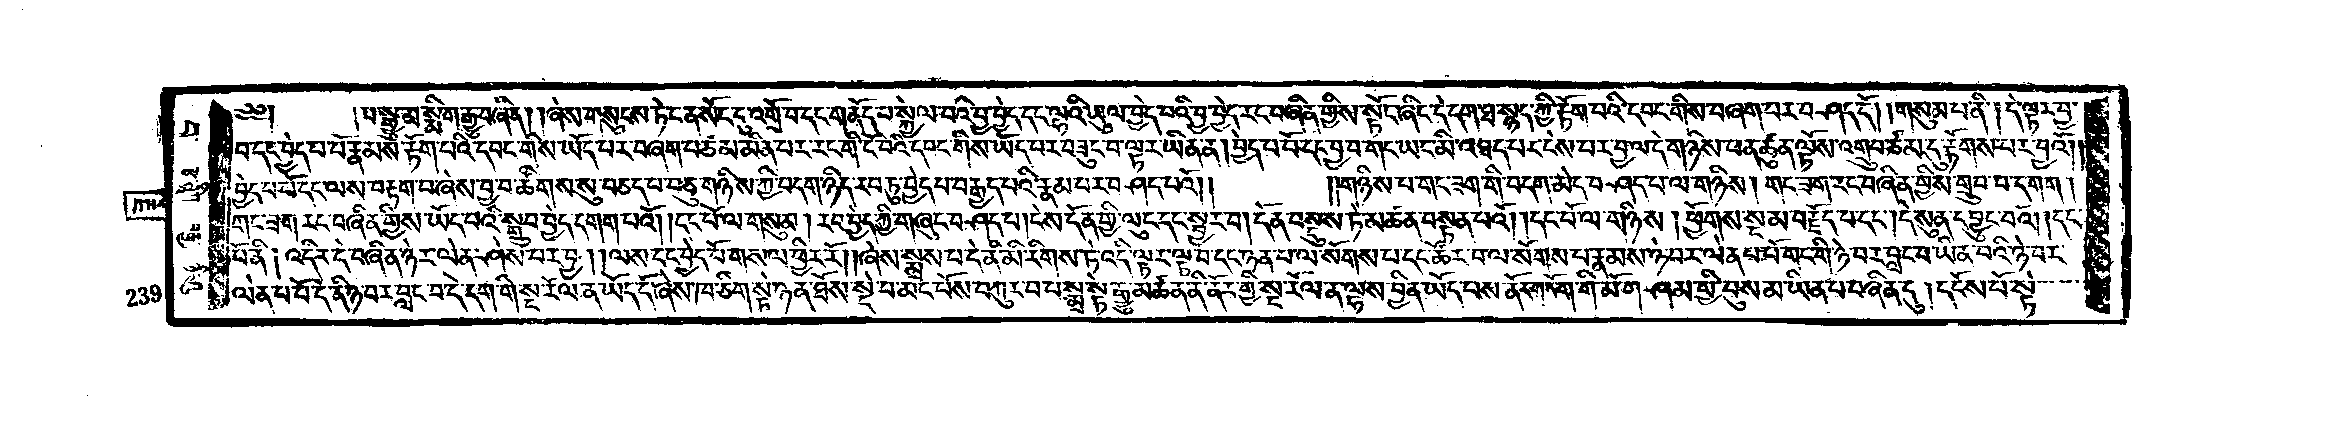༄༅། །པ་སྒྱུ་མ་སྨིག་རྒྱུ་བཞིན། །ཞེས་གསུངས་ཏེ་ངན་སོང་དུ་འགྲོ་བ་དང་གནོད་པ་སྐྱེལ་བའི་བྱ་བྱེད་དང་ལྷའི་ཡུལ་བྱེད་བའི་བྱ་བྱེད་རང་བཞིན་གྱིས་སྟོང་ཞིང་དེ་དག་ཐ་སྙད་ཀྱི་རྟོག་པའི་དབང་གིས་བཞག་པར་བཤད་དེ། །གསུམ་པ་ནི། དེ་ལྟར་བྱ་
བ་དང་བྱེད་པ་པོ་རྣམས་རྟོག་པའི་དབང་གིས་ཡོད་པར་བཞག་པ་ཙམ་མིན་པར་རང་གི་ངོ་བོའི་དབང་གིས་ཡོད་པར་བཟུང་བ་ལྟར་ཡིན་ན། བྱེད་པ་པོ་དང་བྱ་བ་གང་ཡང་མི་འཐད་པར་ངེས་པར་བྱ་ལ་དེ་གཉིས་ཕན་ཚུན་ལྟོས་འགྲུབ་ཙམ་དུ་རྟོགས་པར་བྱའོ། །
བྱེད་པ་པོ་དང་ལས་བརྟག་པ་ཞེས་བྱ་བ་ཚིགས་སུ་བཅད་པ་བཅུ་གཉིས་ཀྱི་བདག་ཉིད་རབ་ཏུ་བྱེད་པ་བརྒྱད་པའི་རྣམ་པར་བཤད་པའོ།། །།གཉིས་པ་གང་ཟག་གི་བདག་མེད་བཤད་པ་ལ་གཉིས། གང་ཟག་རང་བཞིན་གྱིས་གྲུབ་པ་དགག །
གང་ཟག་རང་བཞིན་གྱིས་ཡོད་པའི་སྒྲུབ་བྱེད་དགག་པའོ། །དང་པོ་ལ་གསུམ། རབ་བྱེད་ཀྱི་གཞུང་བཤད་པ། ངེས་དོན་གྱི་ལུང་དང་སྦྱར་བ། དོན་བསྡུས་ཏེ་མཚན་བསྟན་པའོ། །དང་པོ་ལ་གཉིས། ཕྱོགས་སྔ་མ་བརྗོད་པ་དང་། དེ་སུན་དབྱུང་བའོ། །དང་
པོ་ནི། འདིར་དེ་བཞིན་ཉེར་ལེན་ཤེས་པར་བྱ། །ལས་དང་བྱེད་པོ་གསལ་ཕྱིར་རོ། །ཞེས་སྨྲས་པ་དེ་ནི་མི་རིགས་ཏེ་འདི་ལྟར་ལྟ་བ་དང་ཉན་པ་ལ་སོགས་པ་དང་ཚོར་བ་ལ་སོགས་པ་རྣམས་ཉེ་བར་ལེན་པ་པོ་གང་གི་ཉེ་བར་བླང་བ་ཡིན་པའི་ཉེ་བར་
ལེན་པ་པོ་དེ་ནི་ཉེ་བར་བླང་བ་དེ་དག་གི་སྔ་རོལ་ན་ཡོད་དེ་ཞེས་ཁ་ཅིག་སྟེ་ཉན་ཐོས་སྡེ་བ་མང་པོས་བཀུར་བ་པ་སྨྲ་སྟེ་རྒྱུ་མཚན་ནི་ནོར་གྱི་སྔ་རོལ་ན་ལྷས་བྱིན་ཡོད་པས་ནོར་གསོག་གི་མོ་གཤམ་གྱི་བུས་མ་ཡིན་པ་བཞིན་དུ། དངོས་པོ་སྟེ་